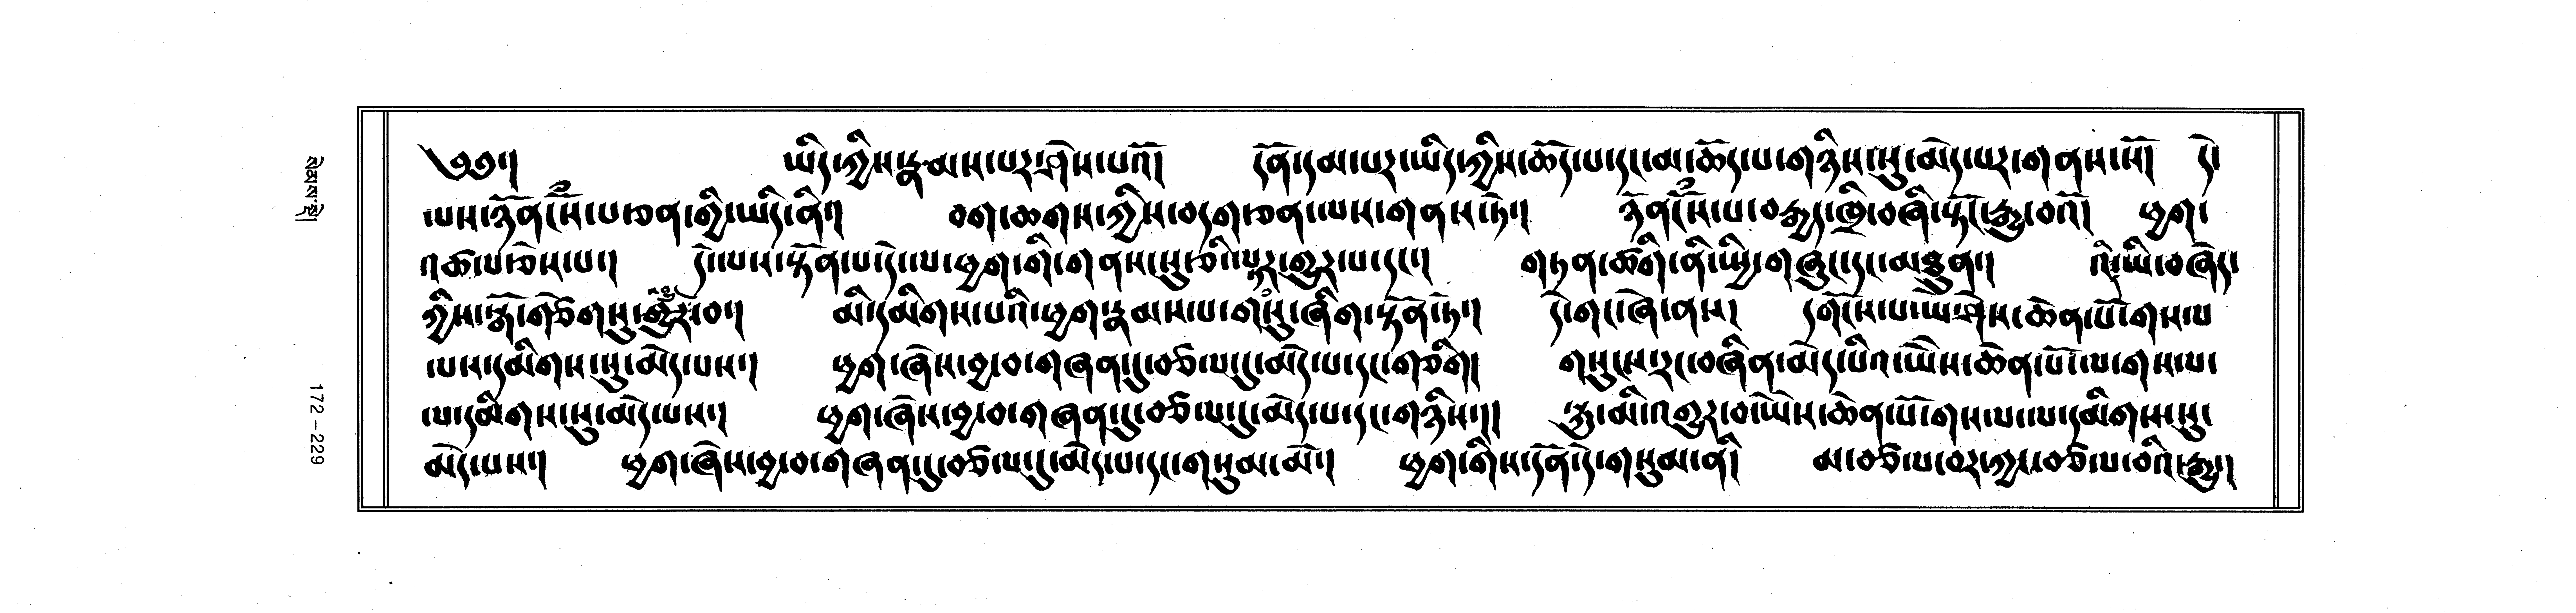ཡིད་ཀྱིས་རྣམ་པར་ཤེས་པའོ། དོན་དམ་པར་ཡིད་ཀྱིས་ཆོད་པ་དང་མ་ཆོད་པ་གཉིས་སུ་མེད་པར་གནས་སོ། དེ་
ལས་ཉོན་མོངས་པ་ཅན་གྱི་ཡིད་ནི། བག་ཆགས་ཀྱིས་བདག་ཅན་ལས་གནས་ཏེ། ཉོན་མོངས་པ་བརྒྱད་ཁྲི་བཞི་སྟོང་རྒྱུ་བའོ། ཕྱག་
འཚལ་ཅེས་པ། དེ་ལས་སྟོན་པ་དེ་ལ་ཕྱག་གི་གནས་སུ་ཅི་ལྟར་གྱུར་པ་དང་། གཏན་ཚིག་ནི་སྤྱི་གཞུང་དང་མཐུན། འདི་ཡི་བཞེད་
ཀྱིས་སྒོ་གཙེགས་སུ་འབྱུང་བ། མི་དམིགས་པའི་ཕྱག་རྣམ་པ་གསུམ་ཞིག་སྟོན་ཏེ། དེ་གང་ཞེ་ནས། དགོངས་པ་ཡེ་ཤེས་ཆེན་པོ་གསལ་
ལས་དམིགས་སུ་མེད་པས། ཕྱག་ཞེས་བྱ་བ་གཞན་དུ་བཙལ་དུ་མེད་པ་དང་གཅིག གསུངས་རང་བཞིན་མེད་པའི་ཡེ་ཤེས་ཆེན་པོ་ལ་གསལ་
ལ་དམིགས་སུ་མེད་པས། ཕྱག་ཞེས་བྱ་བ་གཞན་དུ་བཙལ་དུ་མེད་པ་དང་གཉིས། སྐུ་མི་འགྱུར་བ་ཡེ་ཤེས་ཆེན་པོ་གསལ་ལ་དམིགས་སུ་
མེད་པས། ཕྱག་ཞེས་བྱ་བ་གཞན་དུ་བཙལ་དུ་མེད་པ་དང་གསུམ་མོ། ཕྱག་གིས་དོན་དེ་གསུམ་ནི། མ་བཙལ་བར་ཀྱང་བཙལ་བའི་རྒྱུ།